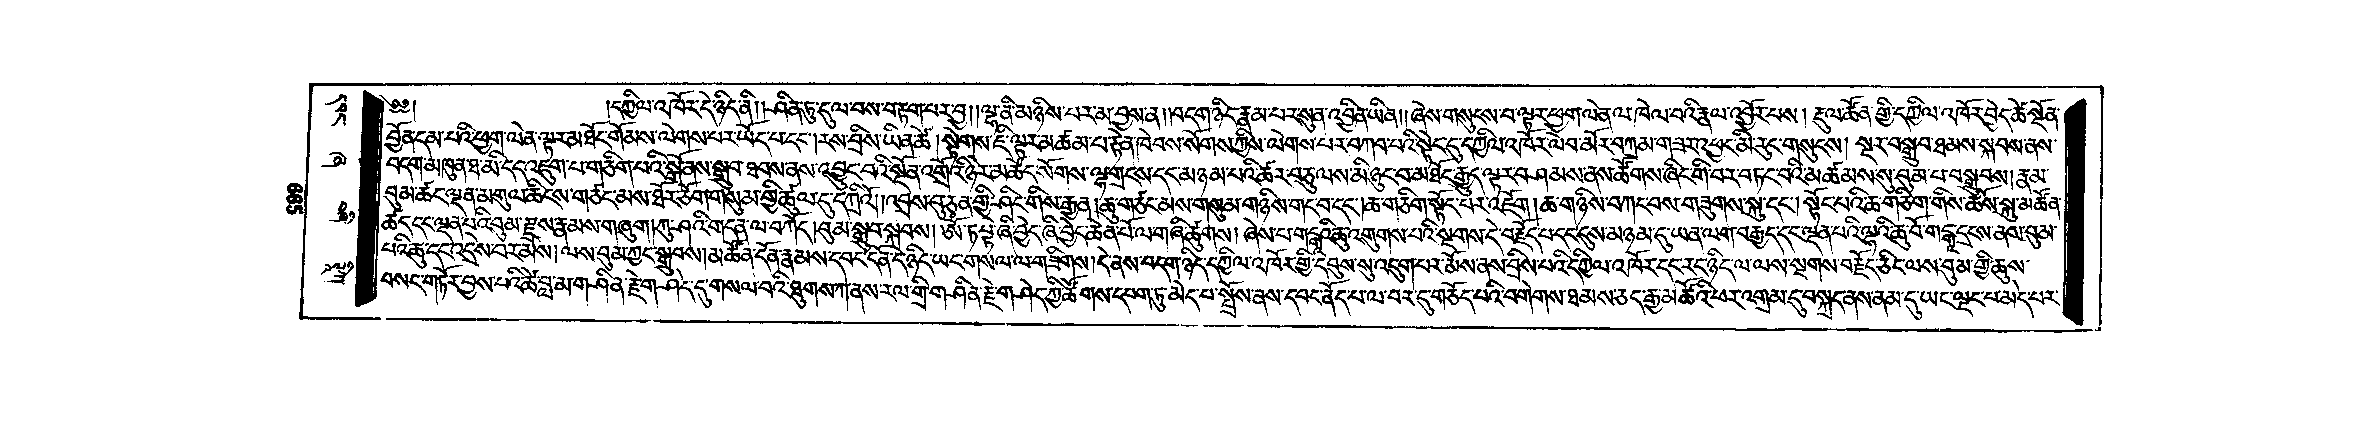༄༅། །དཀྱིལ་འཁོར་དེ་ཉིད་ནི། །ཤིན་ཏུ་དུལ་བས་བརྟག་པར་བྱ། །ལྷ་ནི་མཉིས་པར་མ་བྱས་ན། །བདག་ཉིད་རྣམ་པར་སུན་འབྱིན་ཡིན། །ཞེས་གསུངས་པ་ལྟར་ཕྱག་ལེན་ལ་ཁེལ་བའི་རྣལ་འབྱོར་པས། རྡུལ་ཚོན་གྱི་དཀྱིལ་འཁོར་བྱེད་ཚེ་སྔོན་
བྱོན་དམ་པའི་ཕྱག་ལེན་ལྟར་མཐོང་གོམས་ལེགས་པར་ཡོད་པ་དང་། རས་བྲིས་ཡིན་ཚེ། སྟེགས་ཇི་ལྟར་མཚམ་པ་རྟེན་ཁེབས་སོགས་ཀྱིས་ལེགས་པར་བཀབ་པའི་སྟེང་དུ་དཀྱིལ་འཁོར་ལེབ་མོར་བཀྲམ་གཟར་འཕྱང་མི་རུང་གསུངས། སྔར་བསྒྲུབ་ཐམས་སྐབས་ནས་
བདག་མཁུན་ཐ་མི་དད་འཇུག་པ་གཅིག་པའི་སྒོ་ནས་སྒྲུབ་ཐབས་ནས་འབྱུང་བའི་སྔོན་འགྲོའི་ཉེར་མཆོད་སོགས་ལྷ་གྲངས་དང་མཉམ་པའི་ཚར་བཅུ་ལས་མི་ཉུང་བ་མཐོང་རྒྱུད་ལྟར་བཤམས་ནས་ཚོགས་ཞིང་གི་བར་བཏང་བའི་མཚམས་སུ་བུམ་པ་བསྒྲུབས། རྣམ་
བུམ་ཚད་ལྡན་མགུལ་ཆིངས་གཙང་མས་ཐོར་ཅོག་གསུམ་གྱི་ཚུལ་དུ་དཀྲིའོ། །འབྲས་བུ་ཅན་གྱི་ཤིང་གིས་རྒྱན། ཆུ་གཙང་མས་གསུམ་གཉིས་གང་བ་དང་། ཆ་གཅིག་སྟོད་པར་འཇོག །ཆ་གཉིས་བཀང་བས་གཟུགས་སྐུ་དང་། སྟོང་པའི་ཆ་གཅིག་གིས་ཆོས་སྐུ་མཚོན་
ཚད་དང་ལྡན་པའི་བུམ་རྫུས་རྣམས་གཞུག །ཀུ་ཤའི་གདན་ལ་བཀོད། བུམ་སྒྲུབ་སྐབས། ཨོཾ་ཏཔེཏ་ཞི་བྱེད་ཞི་བྱེད་ཆེན་པོ་ལ་གཞི་ཚུགས། ཞེས་པ་གངྒའི་ཆུ་འགུགས་པའི་སྔགས་དེ་བརྗོད་པ་དང་དུས་མཉམ་དུ་ཡན་ལག་བརྒྱད་དང་ལྡན་པའི་ལྷའི་ཆུ་བོ་གངྒཱའི་དྲངས་ནས་བུམ་
པའི་ཆུ་དང་འདྲེས་པར་མོས། ལས་བུམ་ཀྱང་སྒྲུབས། མཚོན་དོན་རྣམས་དབང་དོན་དེ་ཉིད་ཡང་གསལ་ལ་གཟིགས། དེ་ནས་བདག་ཉིད་དཀྱིལ་འཁོར་གྱི་དབུས་སུ་འདུག་པར་མོས་ནས་བྲིས་པའི་དཀྱིལ་འཁོར་དང་རང་ཉིད་ལ་ལས་སྔགས་བརྗོད་ཅིང་ལས་བུམ་གྱི་ཆུས་
བསང་གཏོར་བྱས་པའི་ཚེ་བླ་མ་གཤིན་རྗེ་གཤེད་དུ་གསལ་བའི་ཐུགས་ཀ་ནས་རལ་གྲི་གཤིན་རྗེ་གཤེད་ཀྱི་ཚོགས་དཔག་ཏུ་མེད་པ་སྤྲོས་ནས་དབང་ནོད་པ་ལ་བར་དུ་གཅོད་པའི་བགེགས་ཐམས་ཅད་རྒྱ་མཚོའི་ཕར་འགྲམ་དུ་བསྐྲད་ནས་ནམ་དུ་ཡང་ལྡང་པ་མེད་པར་